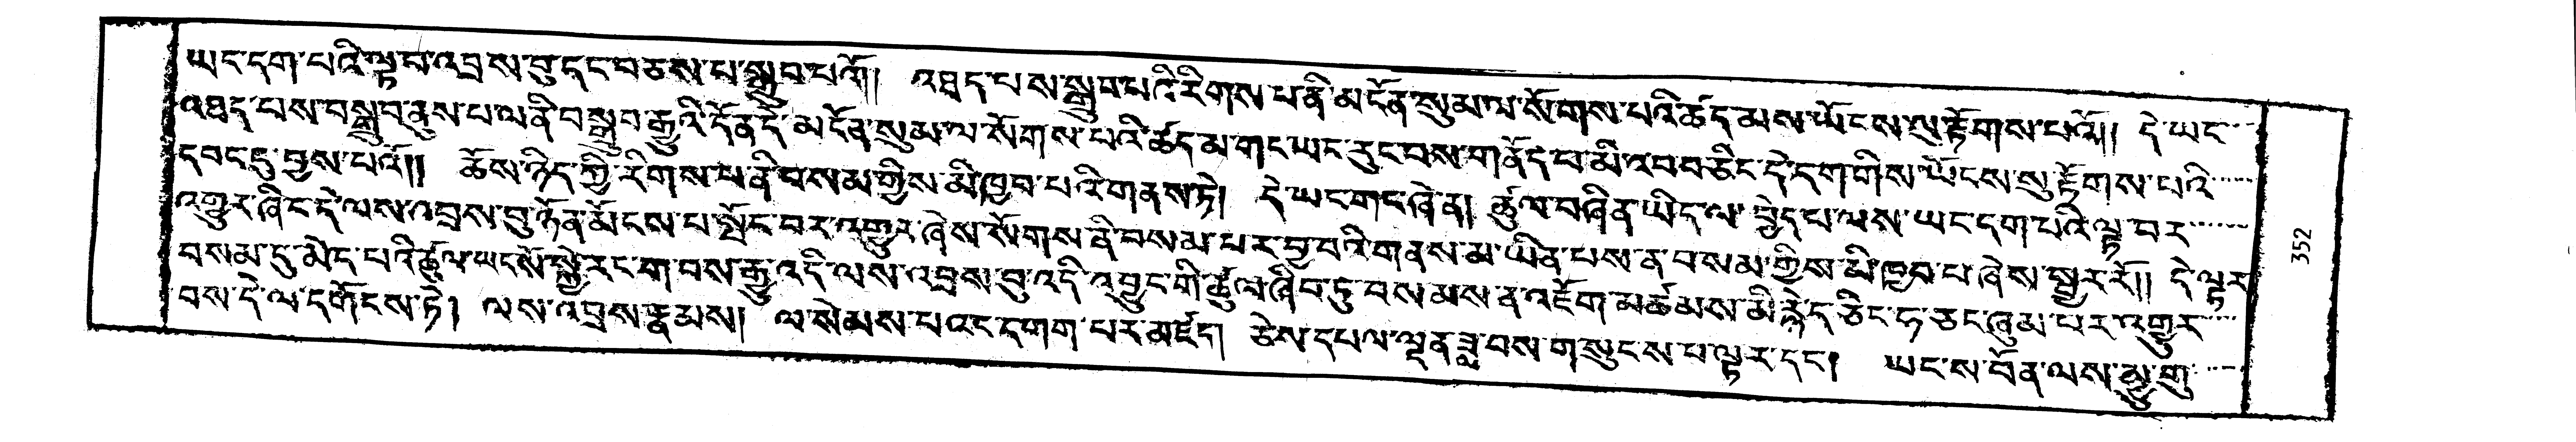ཡང་དག་པའི་ལྟ་བ་འབྲས་བུ་དང་བཅས་པ་སྒྲུབ་པའོ།། འཐད་པས་སྒྲུབ་པའི་རིགས་པ་ནི་མངོན་སུམ་ལ་སོགས་པའི་ཚད་མས་ཡོངས་སུ་རྟོགས་པའོ།། དེ་ཡང་
འཐད་པས་བསྒྲུབ་ནུས་པ་ལ་ནི་བསྒྲུབ་རྒྱུའི་དོན་དེ་མངོན་སུམ་ལ་སོགས་པའི་ཚད་མ་གང་ཡང་རུང་བས་གནོད་པ་མི་འབབ་ཅིང་དེ་དག་གིས་ཡོངས་སུ་རྟོགས་པའི་
དབང་དུ་བྱས་པའོ།། ཆོས་ཉིད་ཀྱི་རིགས་པ་ནི་བསམ་གྱིས་མི་ཁྱབ་པའི་གནས་ཏེ། དེ་ཡང་གང་ཞེ་ན། ཚུལ་བཞིན་ཡིད་ལ་བྱེད་པ་ལས་ཡང་དག་པའི་ལྟ་བར་
འགྱུར་ཞིང་དེ་ལས་འབྲས་བུ་ཉོན་མོངས་པ་སྤོང་བར་འགྱུར་ཞེས་སོགས་ནི་བསམ་པར་བྱ་བའི་གནས་མ་ཡིན་པས་ན་བསམ་གྱིས་མི་ཁྱབ་པ་ཞེས་སྦྱར་རོ།། དེ་ལྟར་
བསམ་དུ་མེད་པའི་ཚུལ་ཡང་སོ་སྐྱེ་རང་ག་བས་རྒྱུ་འདི་ལས་འབྲས་བུ་འདི་འབྱུང་གི་ཚུལ་ཞིབ་ཏུ་བསམས་ན་འཇོག་མཚམས་མི་རྙེད་ཅིང་ཧ་ཅང་ཞུམ་པར་འགྱུར་
བས་དེ་ལ་དགོངས་ཏེ། ལས་འབྲས་རྣམས། ལ་སེམས་པའང་དགག་པར་མཛད། ཅེས་དཔལ་ལྡན་ཟླ་བས་གསུངས་པ་ལྟར་དང་། ཡང་ས་བོན་ལས་མྱུ་གུ་